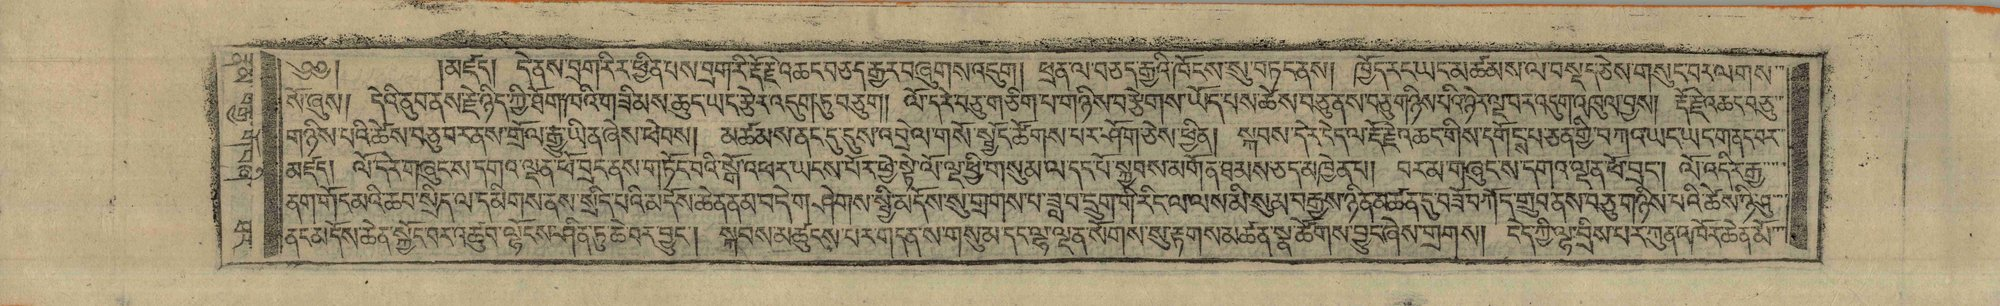༄༅། །མཛད། དེ་ནས་བྲག་རིར་ཕྱིན་པས་བྲག་རི་རྡོ་རྗེ་འཆང་བཅད་རྒྱར་བཞུགས་འདུག །ཕྲན་ལ་བཅད་རྒྱའི་ཁོངས་སུ་བཏང་ནས། ཁྱོད་རང་ཡང་མཚམས་ལ་བསྡད་ཅེས་གསུང་བར་ལགས་
སོ་ཞུས། དེའི་ནུབ་ནས་རྗེ་ཉིད་ཀྱི་ཐོག་ཁའི་གཟིམས་ཆུང་ཡང་རྩེར་འདུག་ཏུ་བཅུག །ལོ་དེར་བཅུ་གཅིག་པ་གཉིས་བརྩེགས་ཡོད་པས་ཚེས་བཅུ་ནས་བཅུ་གཉིས་པའི་ཉེར་ལྔ་བར་འདུག་འཁུལ་བྱས། རྡོ་རྗེ་འཆང་བཅུ་
གཉིས་པའི་ཚེས་བཅུ་བར་ནས་གྲོལ་རྒྱུ་ཡིན་ཞེས་ཕེབས། མཚམས་ནང་དུ་དུས་འབྲེལ་གསོ་སྦྱོང་ཚོགས་པར་ཤོག་ཅེས་ཕྱིན། སྐབས་དེར་ངེད་ལ་རྡོ་རྗེ་འཆང་གིས་དགོངས་པ་ཅན་གྱི་བཀའ་ཡང་ཡང་གནང་བར་
མཛད། ལོ་དེར་གཞུང་ས་དགའ་ལྡན་ཕོ་བྲང་ནས་གཏོང་བའི་སྒོ་འཕར་ཡངས་པོར་ཕྱེ་སྟེ་ལོ་ལྔ་ཕྱི་གསུམ་ལ་དང་པོ་སྐྱབས་མགོན་ཐམས་ཅད་མཁྱེན་པ། བར་མ་གཞུང་ས་དགའ་ལྡན་ཕོ་བྲང་། ལོ་འདིར་རྒྱ་
ནག་གོང་མའི་ཆབ་སྲིད་ལ་དམིགས་ནས་སྲིད་པའི་མདོས་ཆེན་ནམ་བདེ་གཤེགས་སྤྱི་མདོས་སུ་གྲགས་པ་ཟླ་བ་དྲུག་གི་རིང་ལ་ལས་མི་སུམ་བརྒྱས་ཉིན་མཚན་དུ་བཟོ་བཀོད་གྲུབ་ནས་བཅུ་གཉིས་པའི་ཚེས་ཉི་ཤུ་
ནང་མདོས་ཆེན་སྐྱོང་བར་འཚུབ་ལྷོངས་ཤིན་ཏུ་ཆེ་བར་བྱུང་། སྐབས་མཚུངས་པར་གདན་ས་གསུམ་དང་ལྷ་ལྡན་སོགས་སུ་རྟགས་མཚན་སྣ་ཚོགས་བྱུང་ཞེས་གྲགས། ངེད་ཀྱི་ལྷ་བྲིས་པར་ཀུན་འཁོར་ཆེན་མོ་